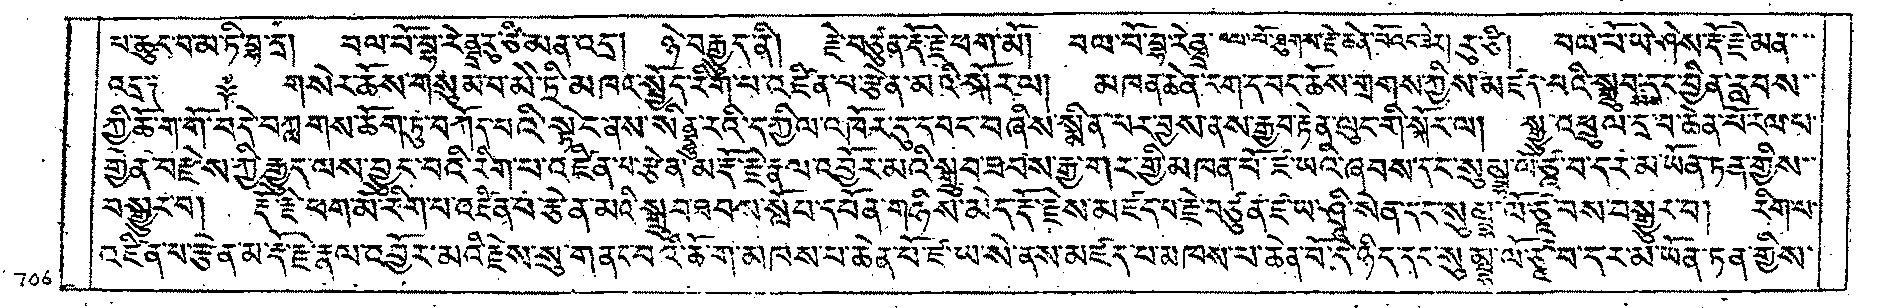པ་ཆུང་བ་མ་ཏི་བྷ་དྲ། བལ་པོ་བྷ་རེནྡྲ་རུ་ཙི་མན་འདྲ། ཉེ་བརྒྱུད་ནི། རྗེ་བཙུན་རྡོ་རྗེ་ཕག་མོ། བལ་པོ་བྷ་རེནྡྲ་བལ་པོ་ཐུགས་རྗེ་ཆེན་པོའང་ཟེར།  རུ་ཙི། བལ་པོ་ཡེ་ཤེས་རྡོ་རྗེ་མན་
འདྲ༑ ༈ གསེར་ཆོས་གསུམ་པ་མཻ་ཏྲི་མཁའ་སྤྱོད་རིག་པ་འཛིན་པ་རྩེན་མའི་སྐོར་ལ། མཁན་ཆེན་ངག་དབང་ཆོས་གྲགས་ཀྱིས་མཛད་པའི་སྒྲུབ་ཐབས་དང་བྱིན་རླབས་
ཀྱི་ཆོ་ག་གོ་བདེ་བཀླགས་ཆོག་ཏུ་བཀོད་པའི་སྟེང་ནས་སིནྡྷུ་རའི་དཀྱིལ་འཁོར་དུ་དབང་བཞིས་སྨིན་པར་བྱས་ནས་རྒྱབ་རྟེན་ལུང་གི་སྐོར་ལ། སྒྱུ་འཕྲུལ་དྲ་བ་ཆེན་པོ་རལ་པ་
གྱེན་བརྫེས་ཀྱི་རྒྱུད་ལས་བྱུང་བའི་རིག་པ་འཛིན་པ་རྩེན་མ་རྡོ་རྗེ་རྣལ་འབྱོར་མའི་སྒྲུབ་ཐབས་རྒྱ་གར་གྱི་མཁན་པོ་ཛ་ཡའི་ཞབ་དང་སུམྦྷ་ལོ་ཙའ་བ་དར་མ་ཡོན་ཏན་གྱིས་
བསྒྱུར་བ། རྡོ་རྗེ་ཕག་མོ་རིག་པ་འཛིན་པ་རྩེན་མའི་སྒྲུབ་ཐབས་སློབ་དཔོན་གཉིས་མེད་རྡོ་རྗེས་མཛད་པ་རྗེ་བཙུན་ཛ་ཡ་ཤྲཱི་སེན་དང་སུམྦྷ་ལོ་ཙཱ་བས་བསྒྱུར་བ། རིག་པ་
འཛིན་པ་རྩེན་མ་རྡོ་རྗེ་རྣལ་འབྱོར་མའི་རྗེས་སུ་གནང་བའི་ཆོ་ག་མཁས་པ་ཆེན་པོ་ཛ་ཡ་སེ་ནས་མཛད་པ་མཁས་པ་ཆེན་པོ་དེ་ཉིད་དང་སུམྦྷ་ལོ་ཙཱ་བ་དར་མ་ཡོན་ཏན་གྱིས་